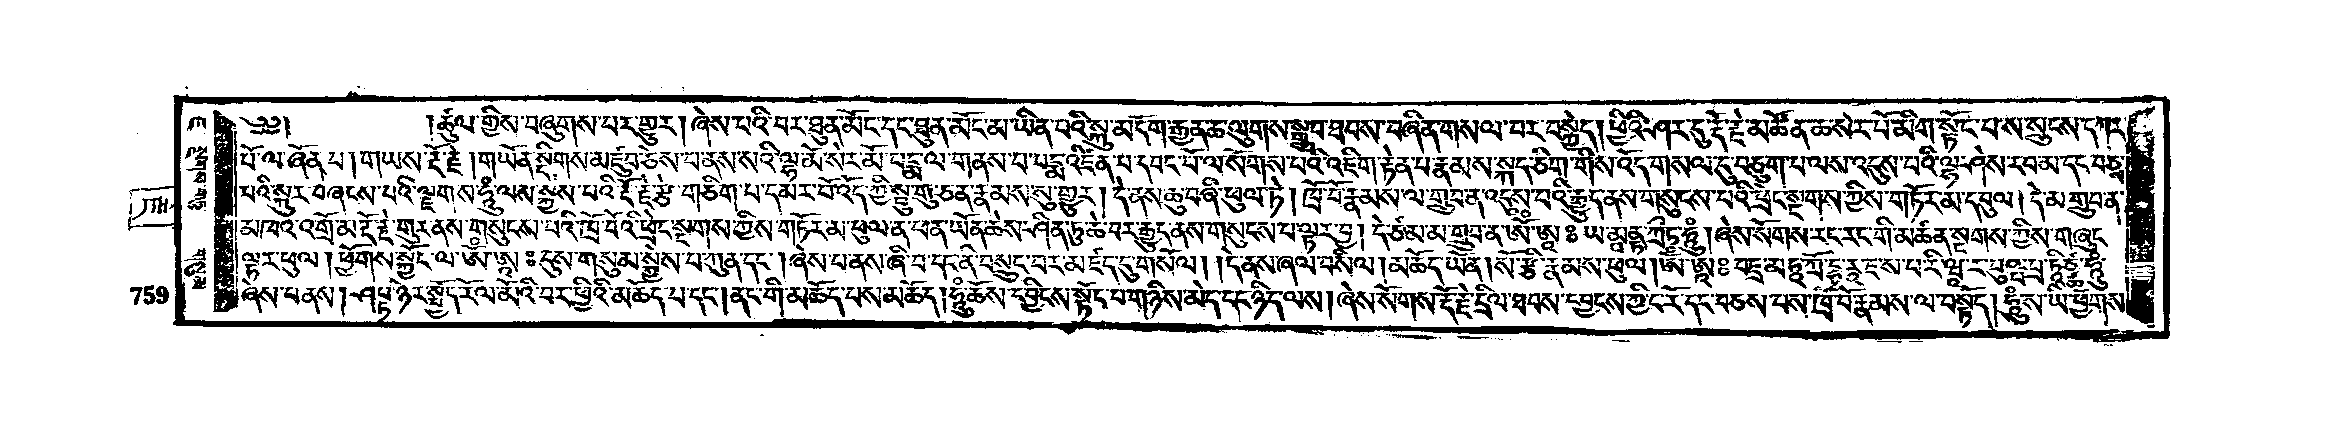༄༅། །ཚུལ་གྱིས་བཞུགས་པར་གྱུར། ཞེས་པའི་བར་ཐུན་མོང་དང་ཐུན་མོང་མ་ཡིན་པའི་སྐུ་མདོག་རྒྱན་ཆ་ལུགས་སྒྲུབ་ཐབས་བཞིན་གསལ་བར་བསྐྱེད། ཕྱིའི་ཤར་དུ་རྡོ་རྗེ་མཚོན་ཆ་སེར་པོ་མིག་སྟོང་པ་ས་སྲུངས་དཀར་
པོ་ལ་ཞོན་པ། གཡས་རྡོ་རྗེ། གཡོན་སྡིགས་མཛུབ་ཅེས་པ་ནས་སའི་ལྷ་མོ་སེར་མོ་པདམ་ལ་གནས་པ་པདམ་འཛིན་པ་དབང་པོ་ལ་སོགས་པའི་འཇིག་རྟེན་པ་རྣམས་སྐད་ཅིག་གིས་འོད་གསལ་དུ་བཅུག་པ་ལས་འདུས་པའི་ལྷ་ཤེས་རབ་མ་དང་བཅས་
པའི་སྐུར་བཞེངས་པའི་ལྗགས་ཧཱུཾ་ལས་སྐྱེས་པའི་རྡོ་རྗེ་རྩེ་གཅིག་པ་དམར་པོ་འོད་ཀྱི་སྦུ་གུ་ཅན་རྣམས་སུ་གྱུར། དེ་ནས་ཆུ་བཞི་ཕུལ་ཏེ། ཁྲོ་བོ་རྣམས་ལ་གྲུབ་ན་འདུས་པའི་རྒྱུད་ནས་གསུངས་པའི་ཕྲེང་སྔགས་ཀྱིས་གཏོར་མ་དབུལ། དེ་མ་གྲུབ་ན་
མཁའ་འགྲོ་མ་རྡོ་རྗེ་གུར་ནས་གསུངས་པའི་ཁྲོ་བོའི་ཕྲེང་སྔགས་ཀྱིས་གཏོར་མ་ཕུལ་ན་ཕན་ཡོན་ཆེས་ཤིན་ཏུ་ཆེ་བར་རྒྱུད་ནས་གསུངས་པ་ལྟར་བྱ། དེ་ཙམ་མ་གྲུབ་ན་ཨོཾ་ཨཱཿ ཡ་མཱནྟ་ཀྲྀཏ་ཧཱུཾ། ཞེས་སོགས་རང་རང་གི་མཚན་སྔགས་ཀྱིས་གཞུང་
ལྟར་ཕུལ། ཕྱོགས་སྐྱོང་ལ་ཨོཾ་ཨཱཿ དུས་གསུམ་སྐྱེས་པ་ཀུན་དང་། ཞེས་པ་ནས་ཞི་བ་དང་ནི་བསྲུང་བར་མཛད་དུ་གསོལ། །དེ་ནས་ཞལ་བསིལ། མཆོད་ཡོན། སོ་རྩི་རྣམས་ཕུལ། ཨོཾ་ཨཱཿ བཛྲ་མཧཱ་ཀྲོ་དྷ་རཱ་ཇ་ས་པ་རི་ཝཱ་ར་པུཥྤ་པྲ་ཏཱི་ཙྪ་ཧཱུཾ་
ཞེས་པ་ནས། ཤཔྟ་ཉེར་སྤྱོད་རོལ་མོའི་བར་ཕྱིའི་མཆོད་པ་དང་། ནང་གི་མཆོད་པས་མཆོད། ཧཱུཾ་ཆོས་དབྱིངས་སྟོང་པ་གཉིས་མེད་ངང་ཉིད་ལས། ཞེས་སོགས་རྡོ་རྗེ་དྲིལ་ཐབས་དབྱངས་ཀྱི་ང་རོ་དང་བཅས་པས་ཁྲོ་བོ་རྣམས་ལ་བསྟོད། ཧཱུཾ་ས་ཡི་ཕྱོགས་